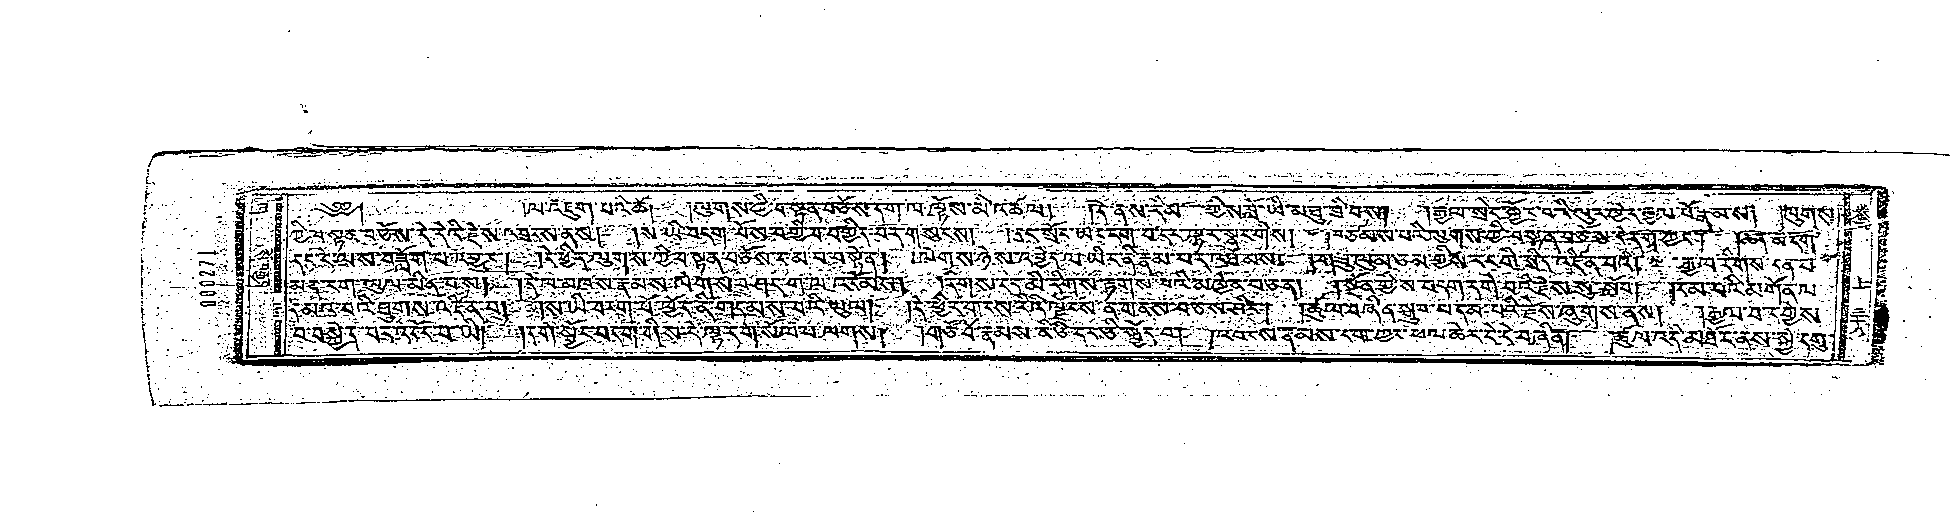༄༅། །ལ་འཇུག་པའི་ཚེ། །ལུགས་ཀྱི་བསྟན་བཅོས་དག་ལ་ལྟོས་མི་འཚལ། །དེ་ནས་རིམ་གྱིས་བློ་ཡི་མཐུ་བྲི་བས། །རྒྱལ་སྲེད་སྐྱོང་བའི་ལུང་ཁྱེད་རྒྱལ་བོ་རྣམས། །ལུགས་
ཀྱི་བསྟན་བཅོས་དེ་དེའི་རྗེས་འབྲངས་ནས། །ས་ཡི་བདག་པོས་བགྱི་བ་བགྱིད་བར་གསུངས། །དྲད་སྲོད་ཡང་ངག་བ་དང་ལྟར་སྣད་གིས། །བཙམས་པའི་ལུགས་ཀྱི་བསྟན་བཅོས་དེ་དག་ཀྱང་། །ཆད་མངག་
དང་དེ་ལས་བཟློག་པ་འབྱུང་། །དེ་ཕྱིར་ལུགས་ཀྱི་བསྟན་བཅོས་དམ་པ་བསྟེན། །ལེགས་ཉེས་འབྱེད་ལ་ཡིང་ནི་རྣམ་བར་འཐོ་མས། །གཟུ་ལུམ་ཅམ་གྱིས་རང་གི་སྲིད་འཛིན་པའི། །རྒྱལ་རིགས་ངན་པ་
མན་ངག་ཡུལ་མིན་བས། །དེ་ལ་མཁས་རྣམས་ལེགས་བཤད་ག་ལ་འདོམས། །རིགས་དང་མི་རིགས་རྟགས་པའི་མཁྱེན་པ་ཅན། །སྔོན་གྱིས་བདག་དགེ་བའི་རྗེས་སུ་སློབ། །དམ་པའི་མགོན་ལ་
དམའ་བའི་ཐུགས་འཛིན་པ། །ས་ཡི་བདག་བོ་ཁྱོད་ནི་གདམས་བའི་ཡུལ། །དེ་ཕྱིར་གངས་རིའི་ལྗོངས་ན་གནས་བཅས་ཤིང་། །ཚུལ་བཞིན་སྒྲུབ་པ་དམ་པའི་རྗེས་ཞུགས་ནས། །རྒྱལ་བ་དགྱེས་
བ་བསྐྱེད་བར་འདོད་པ་ཡི། །དགེ་སྦྱོང་བདག་གིས་དེ་ལྟད་གསོལ་ལ་ལགས། །གཙོ་བོ་རྣམས་ནི་ཅི་དང་ཅི་སྤྱོད་པ། །འབངས་རྣམས་ངག་ཀྱང་ཕལ་ཆེར་དེ་དེ་བཞིན། །ཚུལ་འདི་མཐོང་ནས་སྐྱེ་དགུ་